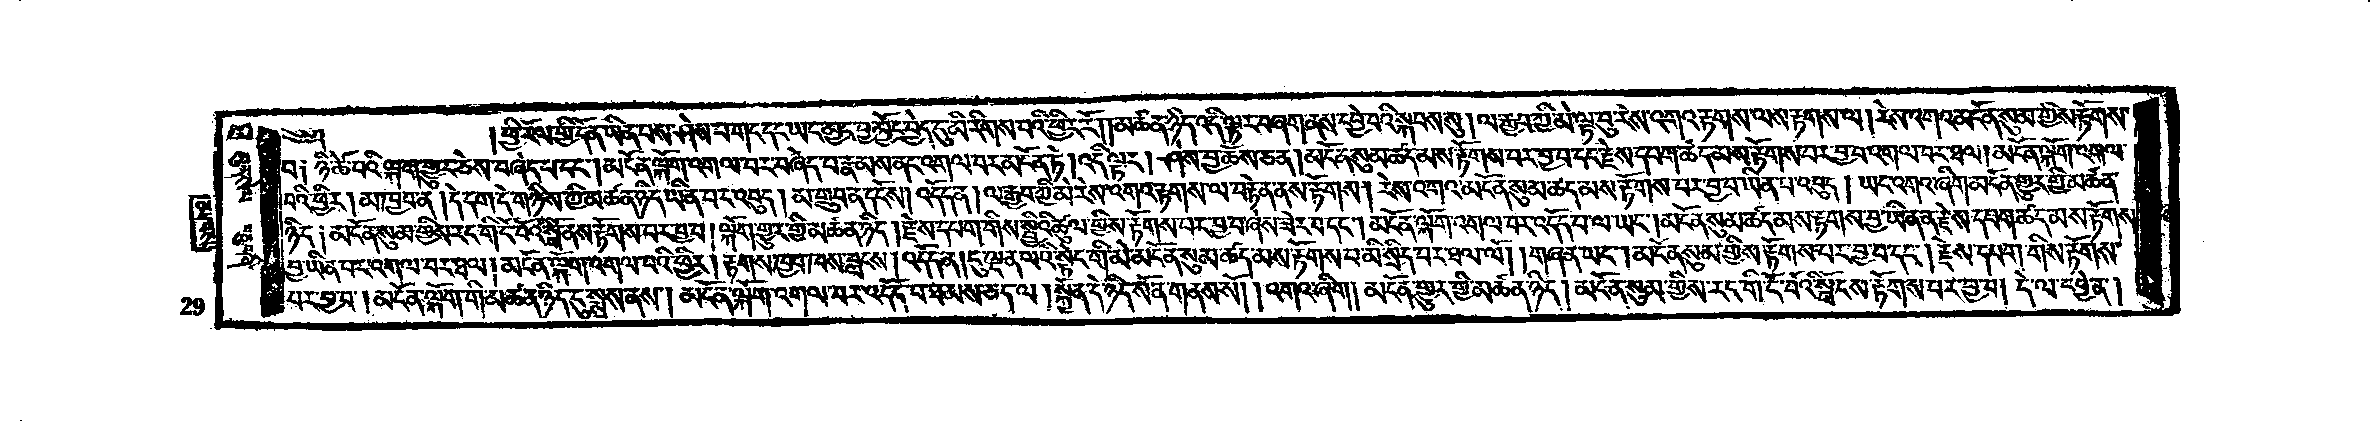༄༅། །ཕྱི་རོལ་གྱི་དོན་ཡིན་པས་ཤེས་པ་གང་དང་ཡང་མྱོང་བྱ་མྱོང་བྱེད་དུ་མི་རིགས་པའི་ཕྱིར་རོ། །མཚན་ཉིད་འདི་ལྟར་བཞག་ནས་དབྱེ་བའི་སྐབས་སུ། ལ་རྒྱབ་ཀྱི་མེ་ལྟ་བུ་རེས་འགའ་རྟགས་ལས་རྟགས་ལ། རེས་འགའ་མངོན་སུམ་གྱིས་རྟོགས་
པ༑ ཉི་ཚེ་བའི་ལྐོག་གྱུར་ཅེས་བཞེད་པ་དང་། མངོན་ལྐོག་འགལ་བར་བཞེད་པ་རྣམས་ནང་འགལ་བར་མངོན་ཏེ། འདི་ལྟར། ཤེས་བྱ་ཆོས་ཅན། མངོན་སུམ་ཚད་མས་རྟོགས་པར་བྱ་བ་དང་རྗེས་དཔག་ཚད་མས་རྟོགས་པར་བྱ་བ་ལ་འགལ་བར་ཐལ། མངོན་ལྐོག་འགལ་
བའི་ཕྱིར། མ་ཁྱབ་ན། དེ་དག་དེ་གཉིས་ཀྱི་མཚན་ཉིད་ཡིན་པར་འབུད། མ་གྲུབ་ན་དངོས། འདོད་ན། ལ་རྒྱབ་ཀྱི་མེ་རེས་འགའ་རྟགས་ལ་བརྟེན་ནས་རྟོགས། རེས་འགའ་མངོན་སུམ་ཚད་མས་རྟོགས་པར་བྱ་བ་ཡིན་པ་འབུད། ཡང་འགའ་ཞིག་མངོན་གྱུར་གྱི་མཚན་
ཉིད༑ མངོན་སུམ་གྱིས་རང་གི་ངོ་བོའི་སྒོ་ནས་རྟོགས་པར་བྱ་བ། ལྐོག་གྱུར་གྱི་མཚན་ཉིད། རྗེས་དཔག་གིས་སྤྱིའི་ཚུལ་གྱིས་རྟོགས་པར་བྱ་བ་ཞེས་ཟེར་བ་དང་། མངོན་ལྐོག་འགལ་བར་འདོད་པ་ལ་ཡང་། མངོན་སུམ་ཚད་མས་རྟོགས་བྱ་ཡིན་ན་རྗེས་དཔག་ཚད་མས་རྟོགས་
བྱ་ཡིན་པར་འགལ་བར་ཐལ། མངོན་ལྐོག་འགལ་བའི་ཕྱིར། རྟགས་ཁྱབ་ཁས་བླངས། འདོད་ན། དུ་ལྡན་ལའི་སྟེང་གི་མེ་མངོན་སུམ་ཚད་མས་རྟོགས་པ་མི་སྲིད་པར་ཐལ་ལོ། །གཞན་ཡང་། མངོན་སུམ་གྱིས་རྟོགས་པར་བྱ་བ་དང་། རྗེས་དཔག་གིས་རྟོགས་
པར་བྱ་བ། མངོན་ལྐོག་གི་མཚན་ཉིད་དུ་སྨྲས་ནས། མངོན་ལྐོག་འགལ་བར་འདོད་པ་ཐམས་ཅད་ལ། སྐྱོན་དེ་ཉིད་སོ་ན་གནས་སོ། །འགའ་ཞིག། མངོན་གྱུར་གྱི་མཚན་ཉིད། མངོན་སུམ་གྱིས་རང་གི་ངོ་བོའི་སྒོངས་རྟོགས་པར་བྱ་བ། དེ་ལ་དབྱེ་ན།